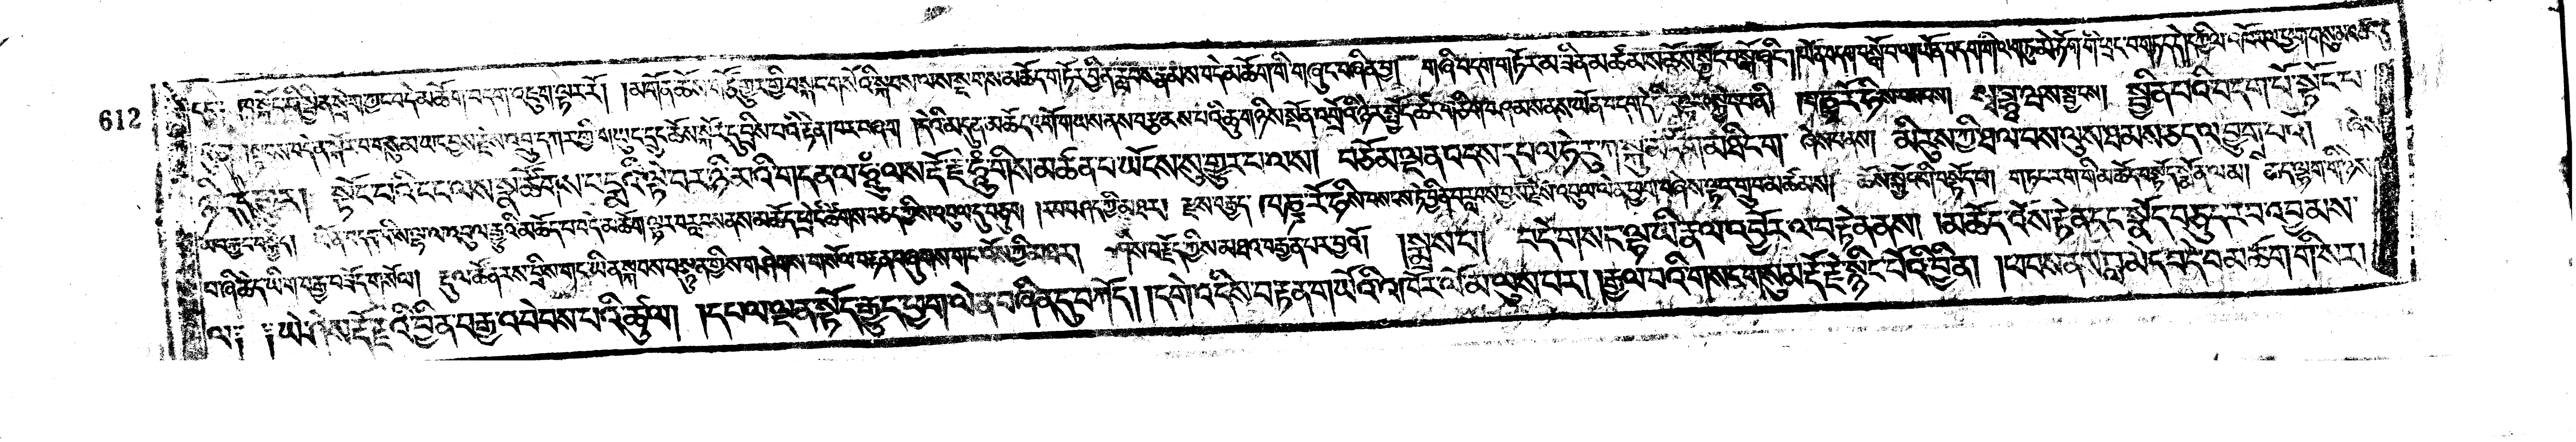དང༑ ཁ་སྐོང་གི་སྦྱིན་སྲེག་ཀྱང་བདེ་མཆོག་སྒྲུབ་མཆོད་ལྟར་རོ། །མགོན་ཆོས་གཙོ་གྱུར་གྱི་བསྐང་གསོའི་སྐབས་ལས་སྔགས་མཆོད་གཏོར་བྱིན་རླབས་རྣམས་བདེ་མཆོག་གི་གཞུང་བཞིན་བྱ། གཞི་བདག་གཏོར་མ་ཟིན་མཚམས་ཆོས་སྐྱོང་བསྒོ་ཞིང་། །ཡོན་བདག་བསྒོ་བ་ལ། ཡོན་བདག་གི་ལག་ཏུ་མེ་ཏོག་གི་ཕྲེང་བ་གཏད་དེ། དཀྱིལ་འཁོར་ལ་ཕྱག་གསུམ་འཚལ་དུ་
བཅུག །སྟབས་བདེ་ན་སྐོར་བ་གསུམ་ཡང་བྱས་རྗེས་འབུར་དཀར་གྱི་གཡུང་དྲུང་ཆོས་སྐོར་དུ་བྲིས་པའི་རྟེན་ཁར་བཞག །དེའི་མདུན་མཆོད་འགོ་གཡས་ནས་བརྩམས་པའི་ཆུ་གཉིས་སྔོན་འགྲོའི་ཉེར་སྤྱོད་ཚར་གཅིག་བཤམས་ནས་ཡོན་བདག་དེ་ཉིད་ལྷབ་སྐྱེད་པ་ནི། ཁཎྜ་རོ་ཧིས་བསངས། སྭཱཧཱ་ཝས་སྦྱངས། སྦྱིན་པའི་བདག་པོ་སྟོང་པ་
ཉིད་དུ་གྱུར། སྟོང་པའི་ངང་ལས་སྣ་ཚོགས་པདམའི་ལྟེ་བར་ཉི་མའི་གདན་ལ་ཧཱུམ་ལས་རྡོ་རྗེ་ཧཱུཾ་གིས་མཚན་པ་ཡོངས་སུ་གྱུར་པ་ལས། བཅོམ་ལྡན་འདས་དཔལ་ཧེ་རུ་ཀ་སྐུ་མདོག་མཐིང་ག་ཞེས་པ་ནས།  མི་རུས་ཀྱི་ཐལ་བས་ལུས་ཐམས་ཅད་ལ་བྱུང་བའོ། །ཞེས་
ཡབ་རྐྱང་བསྐྱེད། ཡོན་བདག་གིས་ལྷ་ལ་འབུལ་རྒྱུའི་མཆོད་པ་ཚིགས་བཅད་ཀྱིས་འཕུལ་དུ་བཅུག །རབ་བཤད་ཀྱི་མཐར། རྫས་བརྒྱད་ཁཎྜ་རོ་ཧིས་བསངས་ཏེ་བྱིན་བརླབས་བྱས་རྗེས་འབུལ་ལེན་ཕྱག་བཞེས་ལྟར་གྲུབ་མཚམས། ཆོས་སྐྱོང་གི་བསྟོད་པ། གཏང་རག་གི་མཆོད་བསྟོད་སྨོན་ལམ་ཆད་ལྷག་གི་ཉེས་
པ་ཞི་ཆེད་ཡིག་བརྒྱ་བཟོད་གསོལ། རྡུལ་ཚོན་རས་བྲིས་གང་ཡིན་སྐབས་བསྟུན་གྱིས་གཤེགས་གསོལ་བརྟན་བཞུགས་གང་འོས་ཀྱི་མཐར། ཤེས་བརྗོད་ཀྱིས་མཐའ་བརྒྱན་པར་བྱའོ། །སྨྲས་པ། བདེ་གསང་ལྷ་ཡི་རྣལ་འབྱོར་ལ་བརྟེན་ནས། །མཆོད་འོས་རྟེན་དང་སྣོད་བཅུ་རབ་འབྱམས་
ལ༑ ༑ཡེ་ཤེས་རྡོ་རྗེའི་བྱིན་བརྒྱ་འབེབས་པའི་ཚུལ། །དཔལ་ལྡན་སྟོད་རྒྱུད་ཕྱག་ལེན་བཞིན་དུ་བཀོད། །དགེ་འདིས་བརྟན་གཡོའི་འཁོར་ལོ་མ་ལུས་པར། །རྒྱལ་བའི་གསང་གསུམ་རྡོ་རྗེ་སྙིང་པོའི་བྱིན། །ཕབས་ནས་བླ་མེད་བདེ་བ་མཆོག་གི་སར།